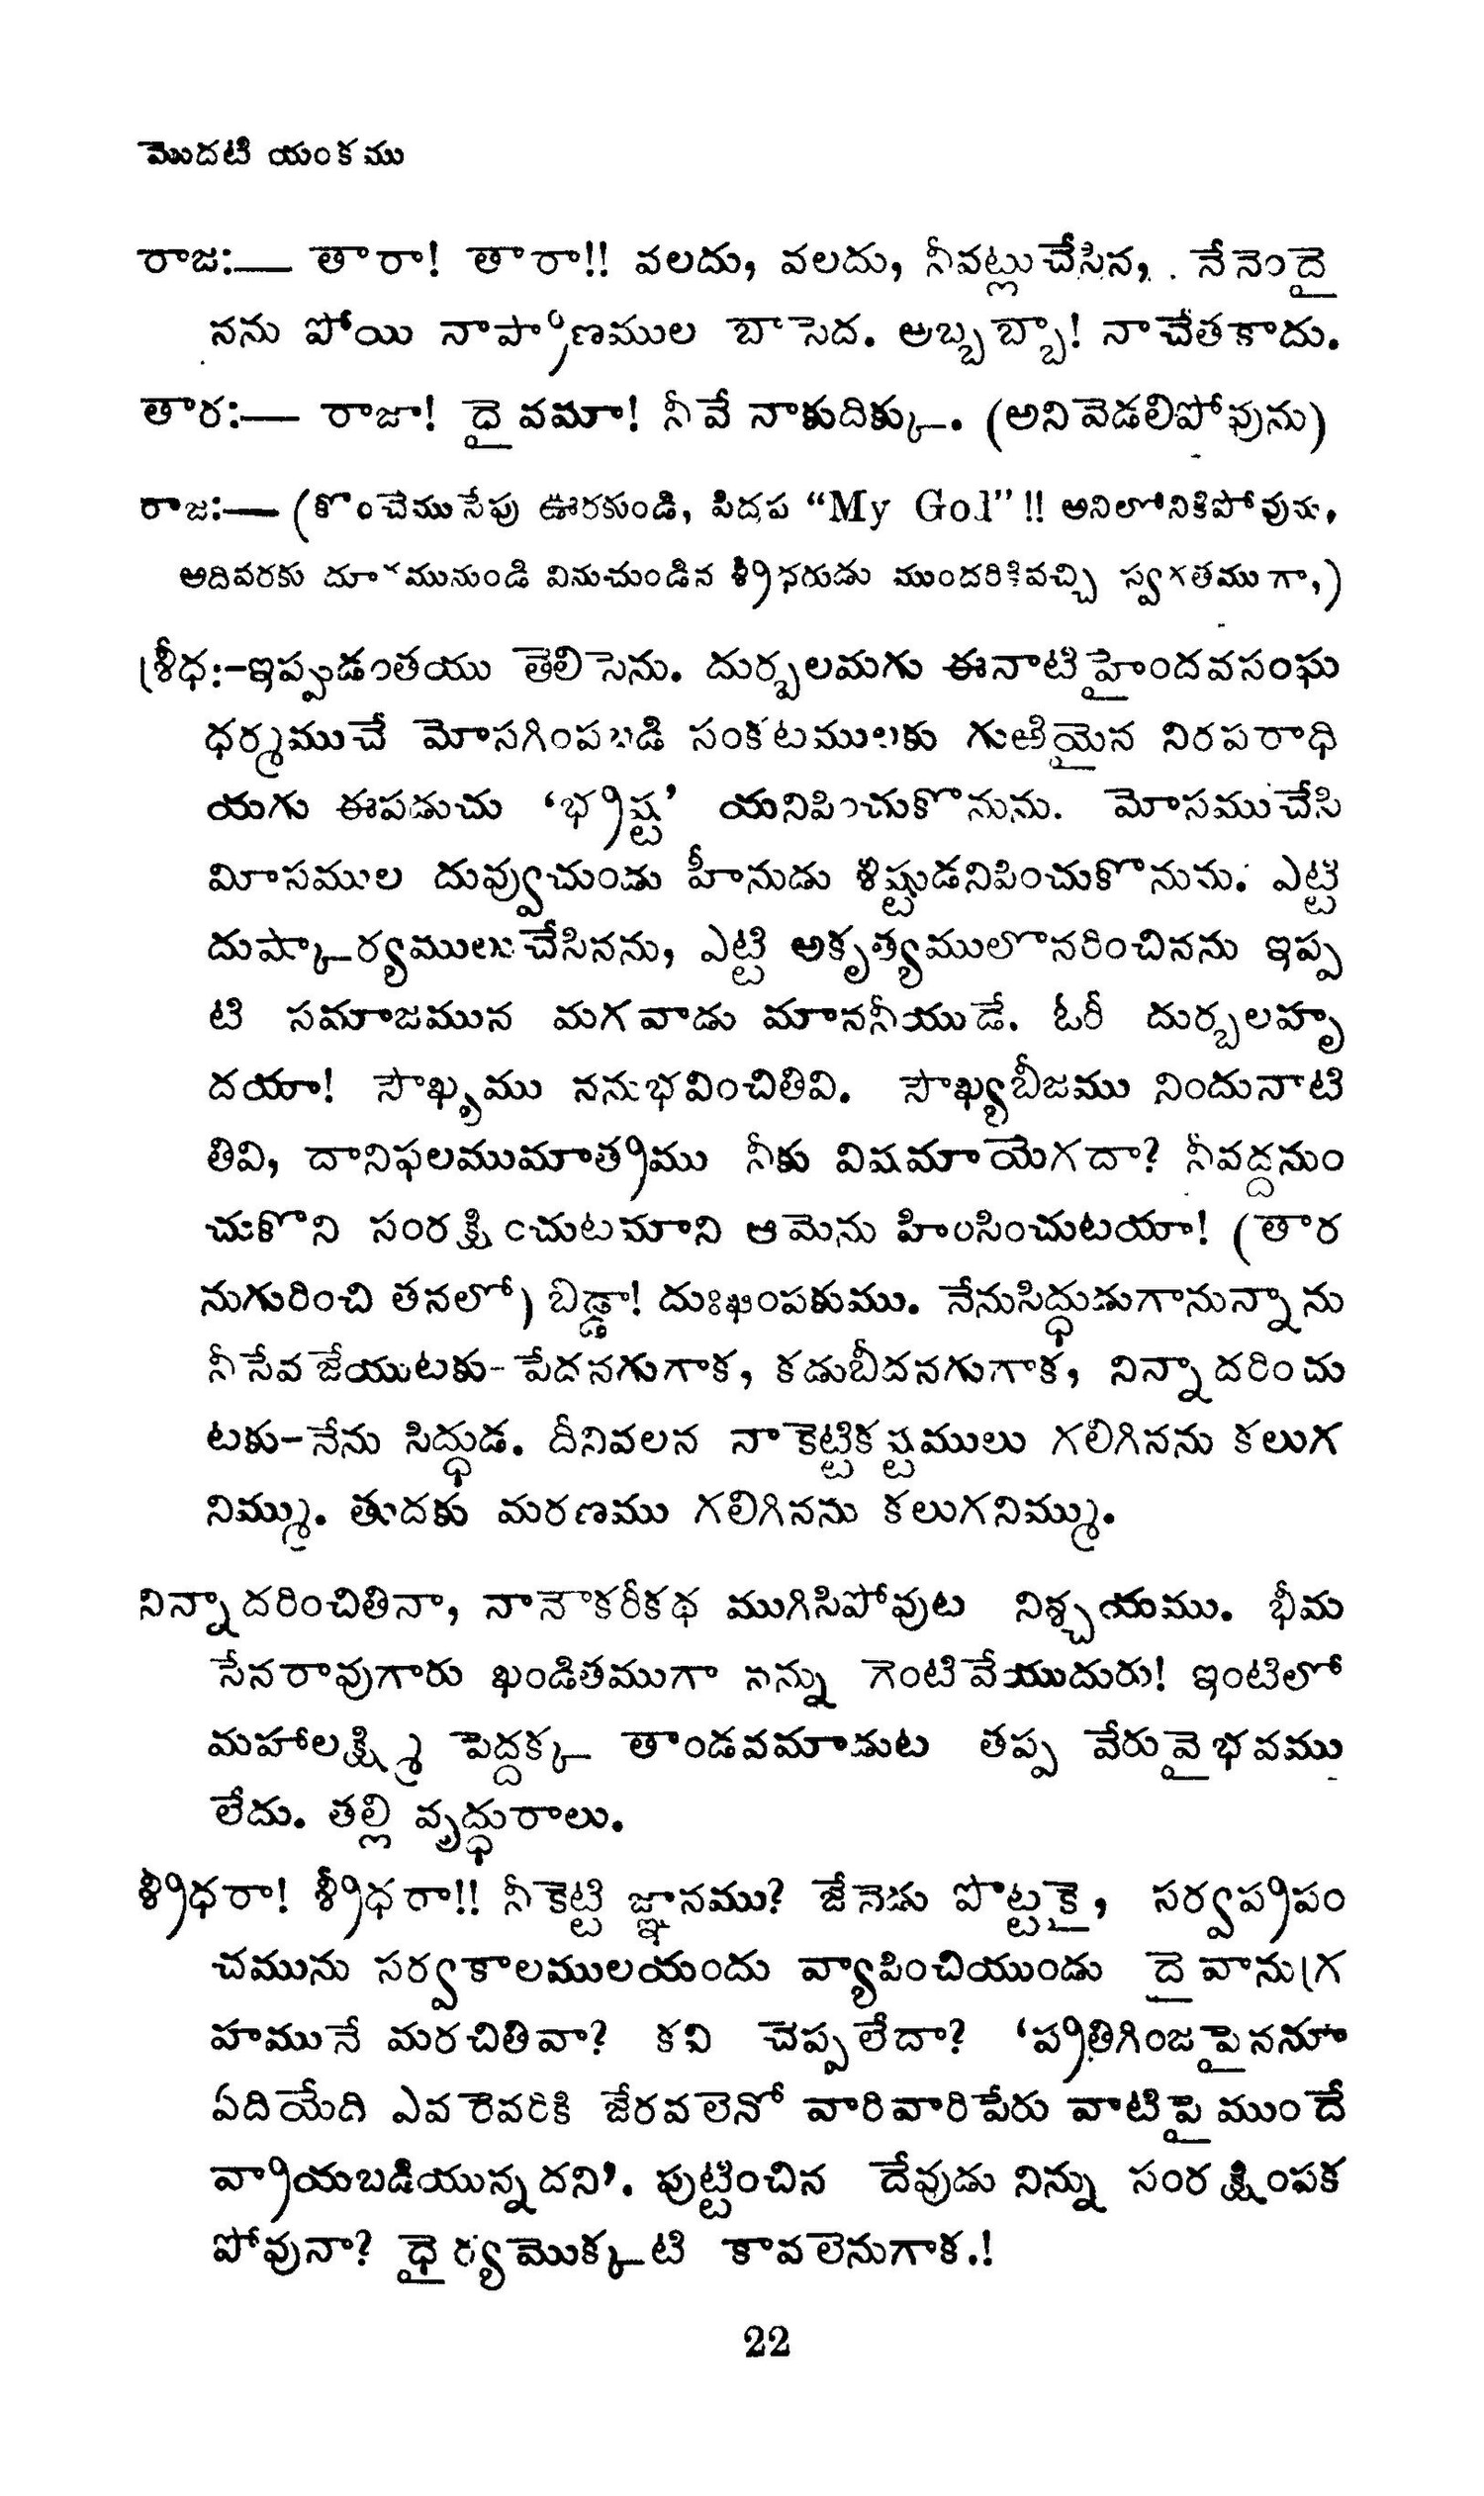రాజు:- తారా! తారా!! వలదు, వలదు, నీవట్లు చేసిన, . నే నెం దై
నను పోయి నాప్రాణముల బాసెద. అబ్బ బ్బా! నా చేత కాదు.

తార:- రాజా! దైవమా! నీవే నాగుదిక్కు. (అని వెడలిపోవును)

రాజ:-(కొంచెము సేపు ఊరకుండి, పిదప “My God" !! అని లోనికిపోవును ,
అదివరకు దూమునుండి వినుచుండిన శ్రీ దరుడు ముందరికి వచ్చి స్వగతము గా,)

శ్రీధ:-ఇప్పుడంతయు తెలిసెను. దుర్బలమగు ఈనాటి హైందవ సంఘ
ధర్మము చే మోసగింపబడి సంకటముకు గుఱియైన నిరపరాధి
యగు ఈపడుచు భ్రష్ట' యని పించుకొనును. మోసము చేసి
మీసముల దువ్వుచుండు హీనుడు శిష్టుడనిపించు కొనును. ఎట్టి
దుష్కార్యములు చేసినను, ఎట్టి అకృత్యము లొనరించినను ఇప్ప
టి సమాజమున మగ వాడు మాననీయుడే. ఓరీ దుర్బలహృ
దయా! సౌఖ్యము ననుభవించితివి. సౌఖ్య బీజము నిందునాటి
తివి, దాని ఫలము మాత్రము నీకు విషమా యేగదా? నీవద్దనుం
చుకొని సంరక్షించుటమాని ఆమెను హింసించుటయా! (తార
నుగురించి తనలో) బిడ్డా! దుఃఖం పకుము. నేను సిద్ధుడుగా నున్నాను
నీ సేవ జేయుటకు- పేద నగుగాక , కడుబీదనగుగాక , నిన్నాదరించు
టకు- నేను సిద్ధుడ. దీనివలన నా కెట్టకష్టములు గలిగినను కలుగ
నిమ్ము. తుదకు మరణము గలిగినను కలుగ నిమ్ము.

నిన్నాదరించితినా, నానౌకరీకథ ముగిసిపోవుట నిశ్చయము. భీమ
సేన రావుగారు ఖండితముగా సన్ను గెంటి వేయుదురు! ఇంటిలో
మహాలక్ష్మి పెద్దక్క తాండవ మాడుట తప్ప వేరు వైభవము
లేదు. తల్లి వృద్ధురాలు.

శ్రీధరా! శ్రీధరా!! నీ కెట్టి జ్ఞానము? జేనెడు పొట్టకై , సర్వప్రపం
చమును సర్వకాలముల యందు వ్యాపించి యుండు దైవానుగ్ర
హము నే మరచితివా? కవి చెప్ప లేదా? 'ప్రతి గింజ పైననూ
ఏదియేది ఎవ రెవరికి జేరవ లెనో వారివారి పేరు వాటిపై ముం దే
వాయబడి యున్నదని'. పుట్టించిన దేవుడు నిన్ను సంరక్షింపక
పోవునా? ధైర్యమొక్కటి కావ లెనుగాక.!